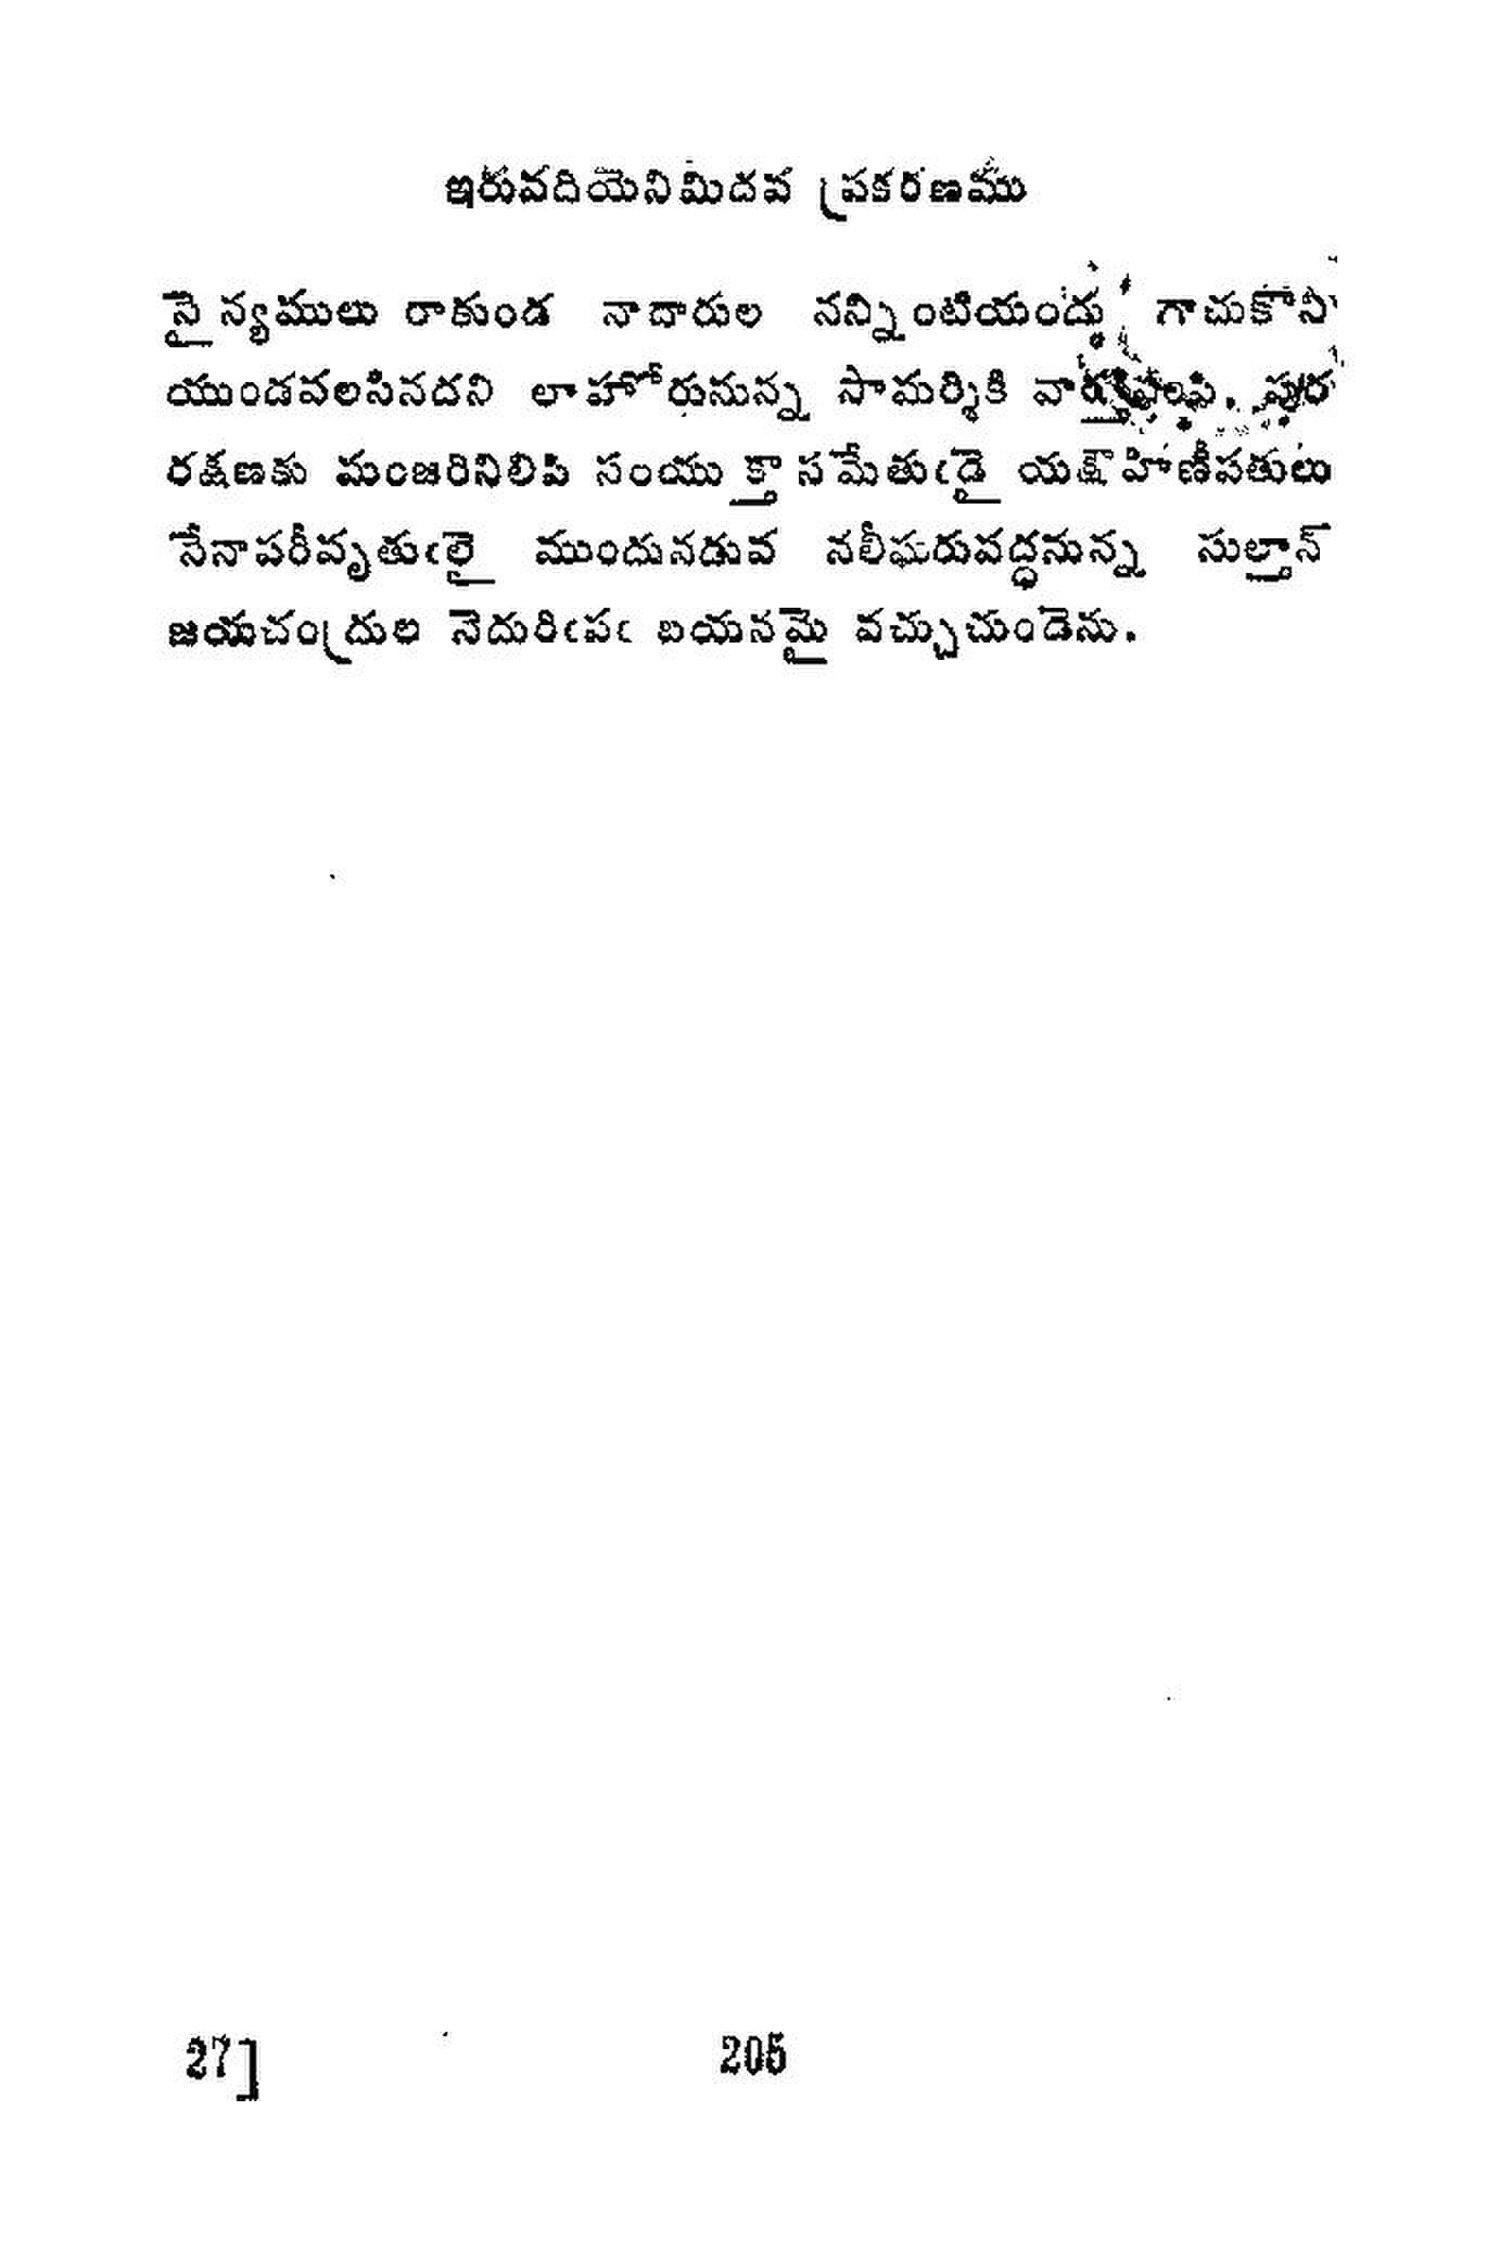సైన్యములు రాకుండ నాదారుల నన్నింటియందు గాచుకొని యుండవలసినదని లాహోరునున్న సామర్శికి వార్తలనంపి పురరక్షణకు మంజరినిలిపి సంయుక్తా సమేతుఁడై యక్షౌహిణీపతులు సేనాపరీవృతుఁలై ముందునడువ నలీఘరువద్దనున్న సుల్తాన్ జయచంద్రుల నెదురిఁపఁ బయనమై వచ్చుచుండెను.